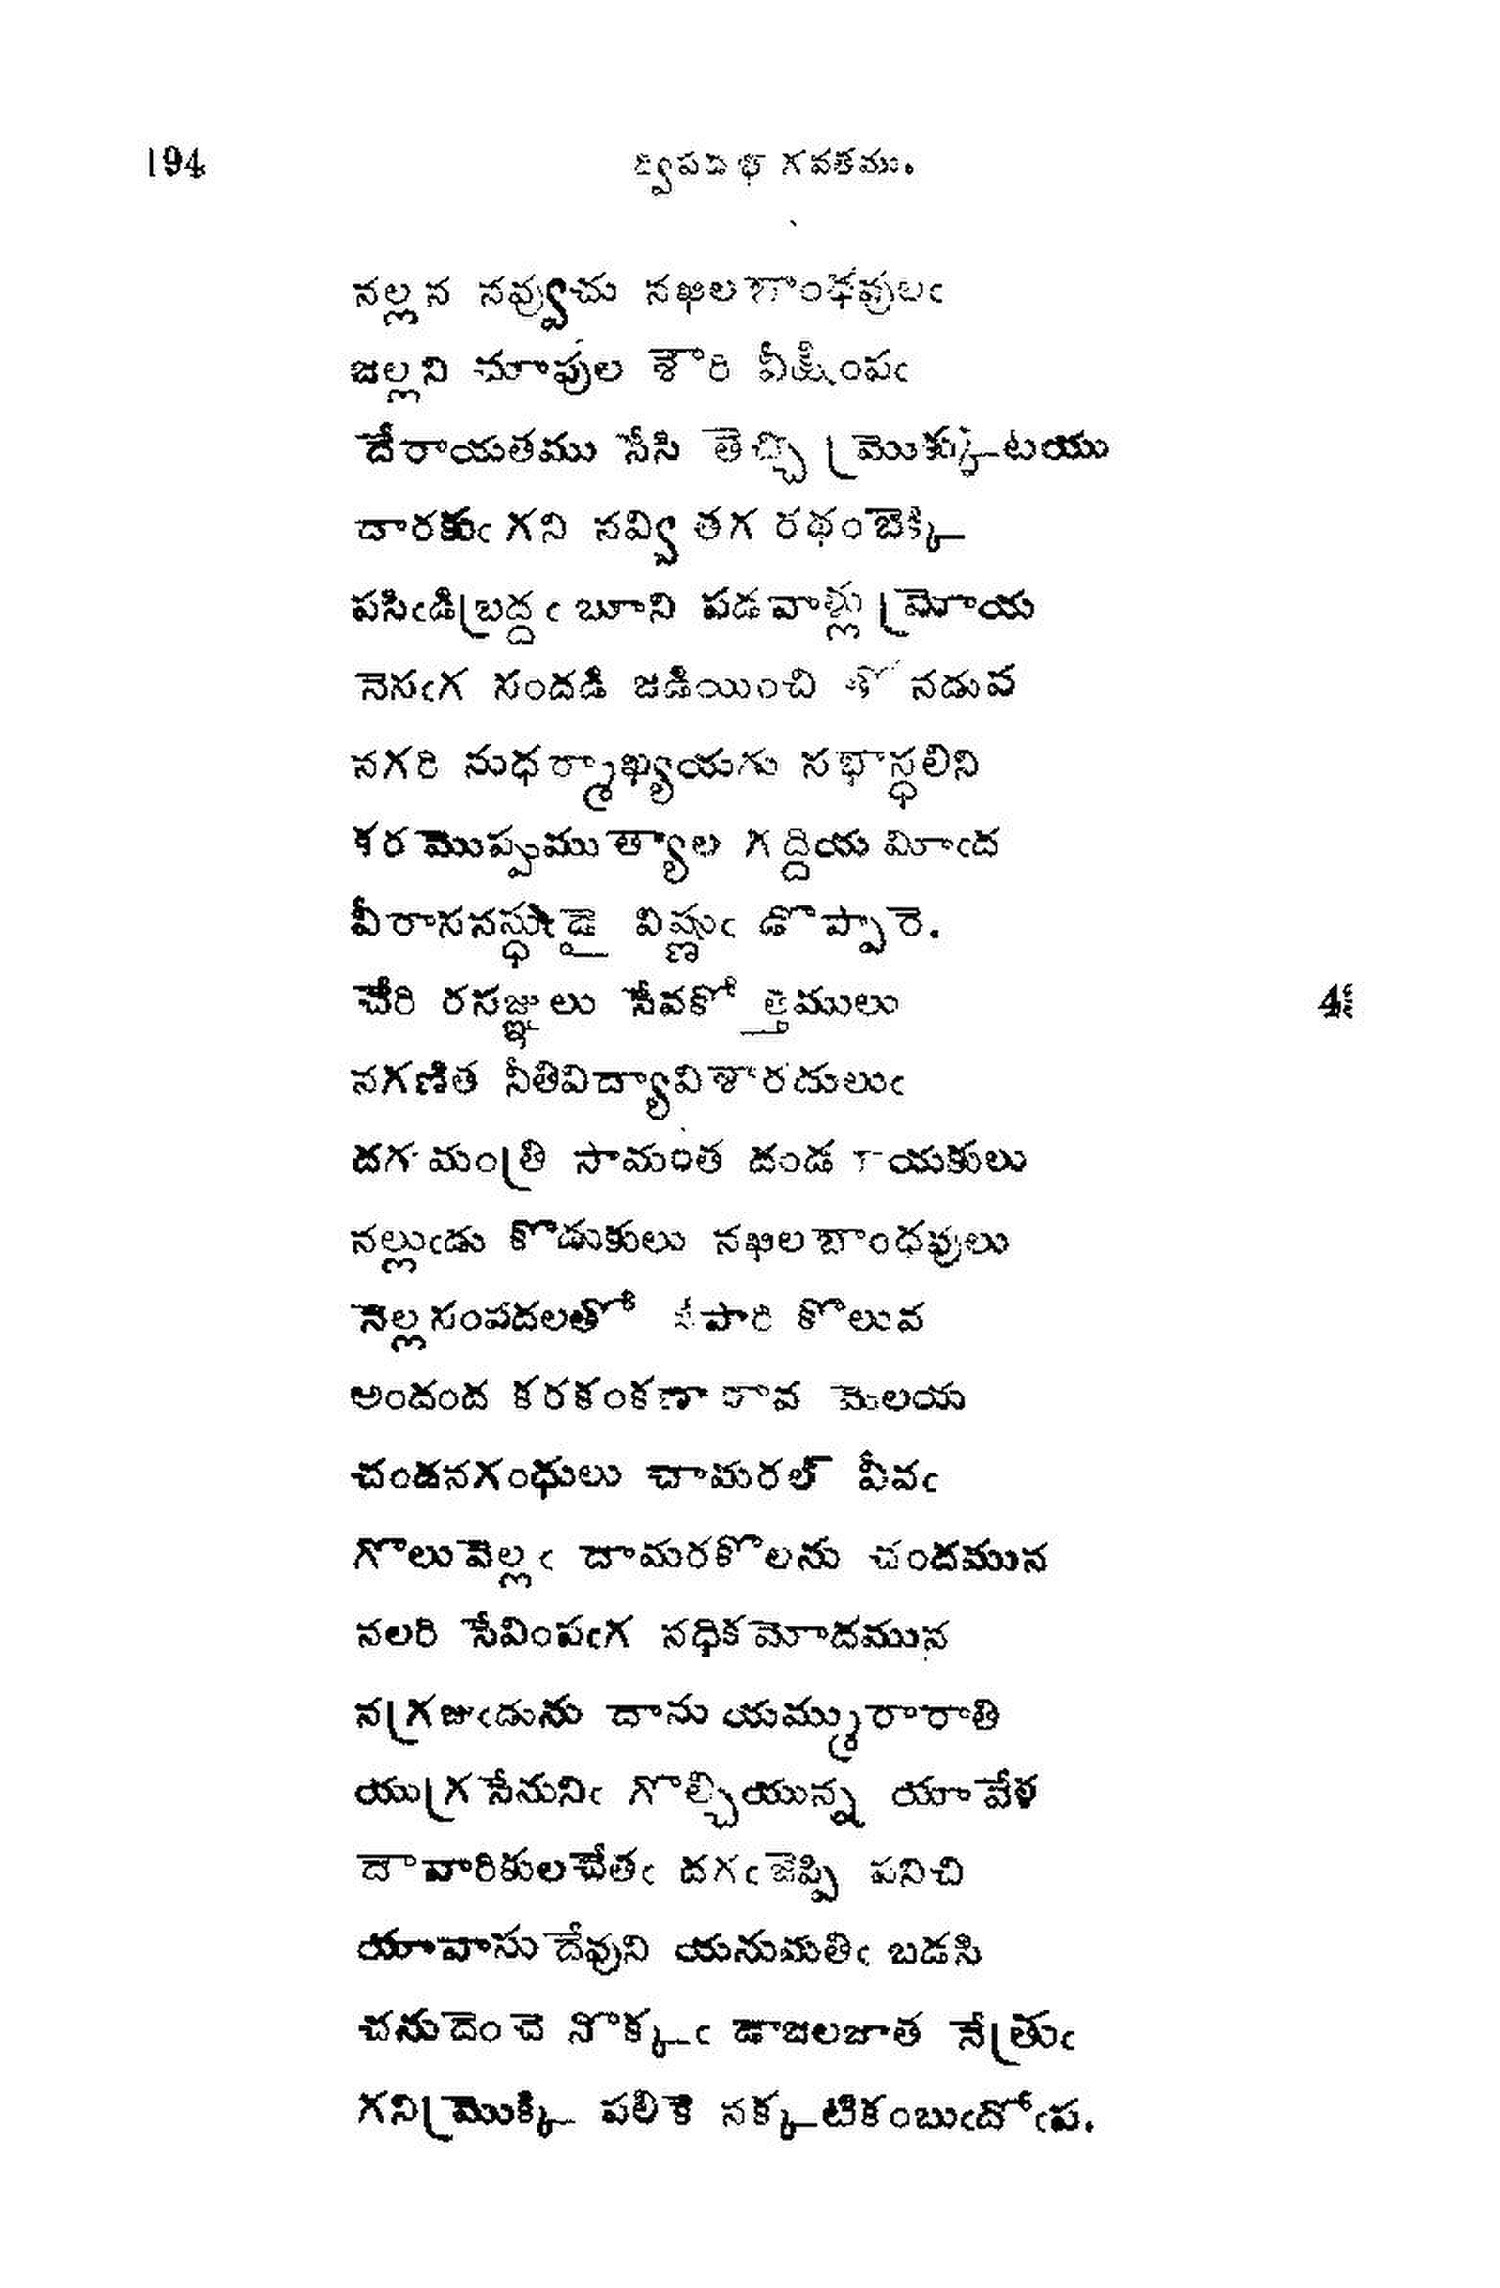నల్లన నవ్వుచు నఖిలబాంధవులఁ
జల్లని చూపుల శౌరి వీక్షింపఁ
దేరాయతము సేసి తెచ్చి మ్రొక్కుటయు
దారకుఁగని నవ్వి తగ రథంబెక్కి
పసిఁడిబద్దలబూనిఁ పడవాళ్లు మ్రోయ
నెసఁగ సందడి జడియించి తోనడువ
నగరి సుధర్మాఖ్య యగు సభాస్ధలిని
కరమొప్పు ముత్యాల గద్దియ మీఁద
వీరాసనస్థుఁడై విష్ణుఁ డొప్పారె. 
చేరి రసజ్ఞులు సేవకోత్తములు
నగణిత నీతివిద్యావిశారదులు
దగుమంత్రి సామంత దండనాయకులు
నల్లుఁడు కొడుకులు నఖిలబాంధవులు
నెల్లసంపదలతో నేపారి కొలువ
అందంద కరకంకణారావ మెలయ
చందనగంధులు చామరల్ వీవఁ
గొలువెల్లఁ దామరకొలను చందమున
నలరి సేవింపఁగ నధికమోదమున
నగ్రజుఁడును దాను యమ్మురారాతి
యుగ్రసేనునిఁ గొల్చియున్న యావేళ
దౌవారికులచేతఁ దగఁజెప్పి పనిచి
యావాసుదేవుని యనుమతిఁ బడసి
చనుదెంచె నొక్కఁ డాజలజాత నేత్రుఁ
గని మ్రొక్కి పలికె నక్కటికంబుఁదోఁప.